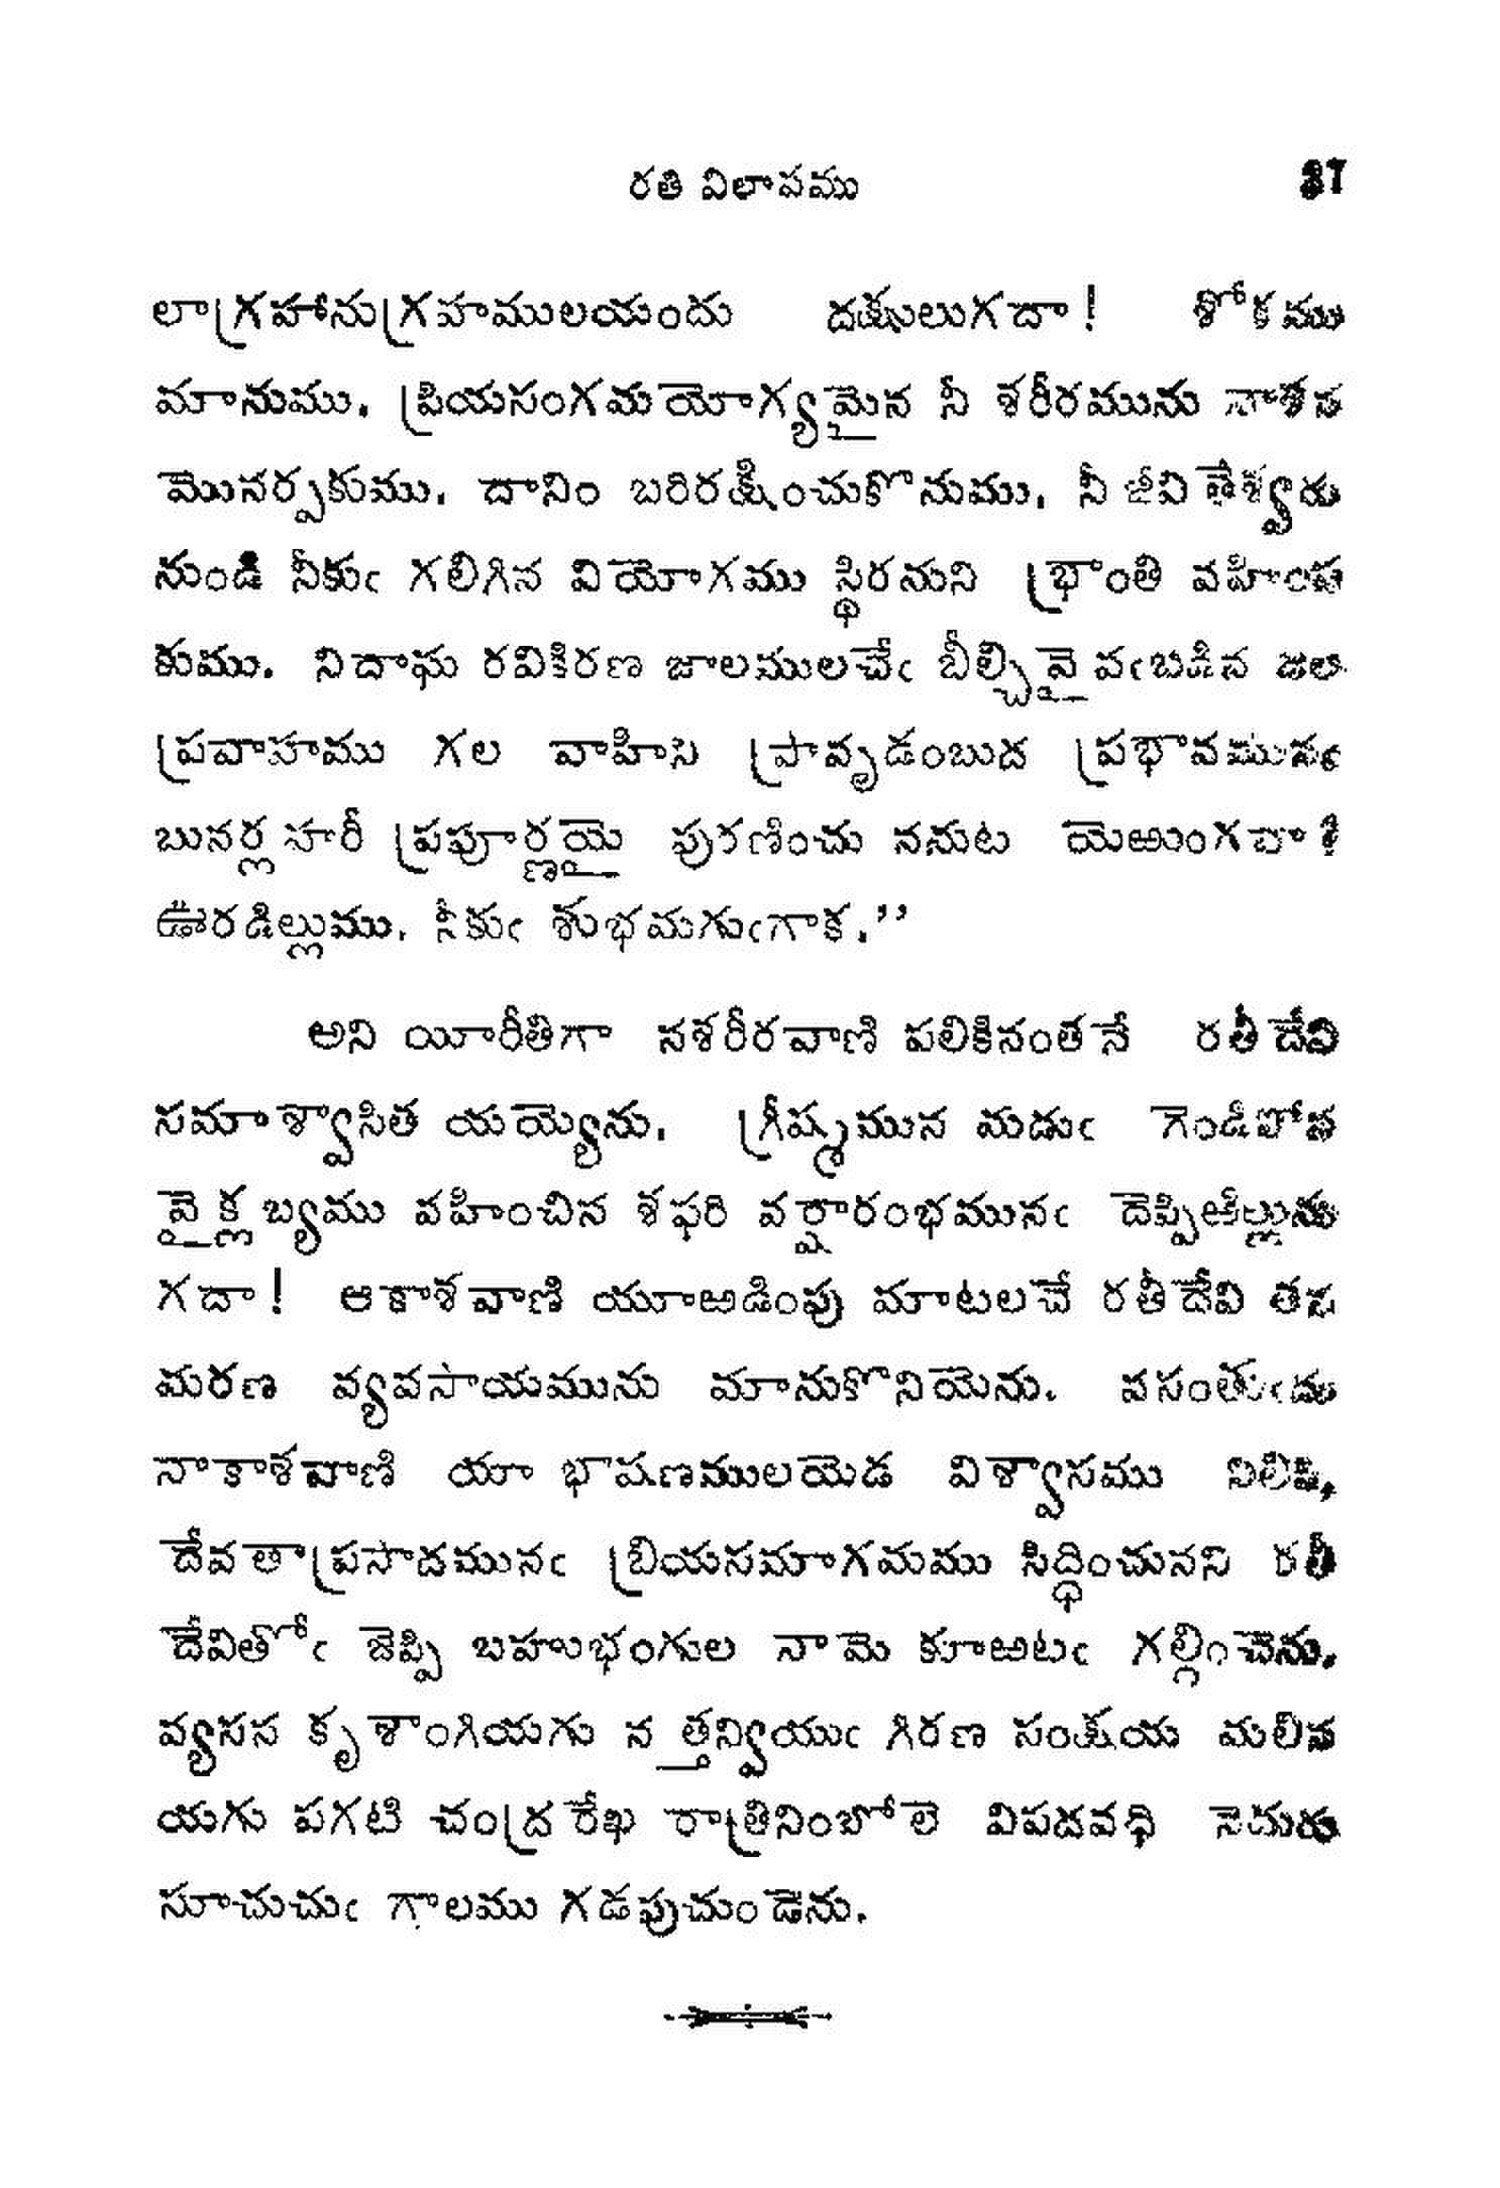లాగ్రహానుగ్రహములయందు దక్షులుగదా ! శోకము మానుము, ప్రియసంగమయోగ్యమైన నీ శరీరమును నాశనమొనర్పకుము. దానిం బరిరక్షించుకొనుము, నీ జీవితేశ్వరు నుండి నీకుఁ గలిగిన వియోగము స్థిరమని భ్రాంతి వహింపకుము. నిదాఘ రవికిరణ జాలములచేఁ బీల్చి వైవఁబడిన జలా ప్రవాహము గల వాహిని ప్రావృడంబుద ప్రభావమునంబునర్ల హరీ ప్రపూర్ణయై పురణించు ననుట యెఱుంగవా? ఊరడిల్లుము, నీకుఁ శుభమగుఁగాక.”

అని యీరీతిగా నశరీరవాణి పలికినంతనే రతీ దేవి సమాశ్వాసిత యయ్యెను, గ్రీష్మమున మడుఁ గెండిపోవ వైక్లబ్యము వహించిన శఫరి వర్షారంభమునఁ దెప్పిఱిల్లును గదా! ఆకాశవాణి యూఱడింపు మాటలచే రతీ దేవి తన మరణ వ్యవసాయమును మానుకొనియెను. వసంతుఁడు నాకాశవాణి యా భాషణములయెడ విశ్వాసము నిలిపి, దేవతాప్రసాదమునఁ బ్రియసమాగమము సిద్ధించునని రతీదేవితోఁ జెప్పి బహుభంగుల నామె కూఱటఁ గల్గించెను. వ్యసస కృశాంగియగు నత్తన్వియుఁ గిరణ సంక్షయ మలిన యగు పగటి చంద్ర రేఖ రాత్రినింబోలె విపదవధి నెదురు సూచుచుఁ గాలము గడపుచుండెను.